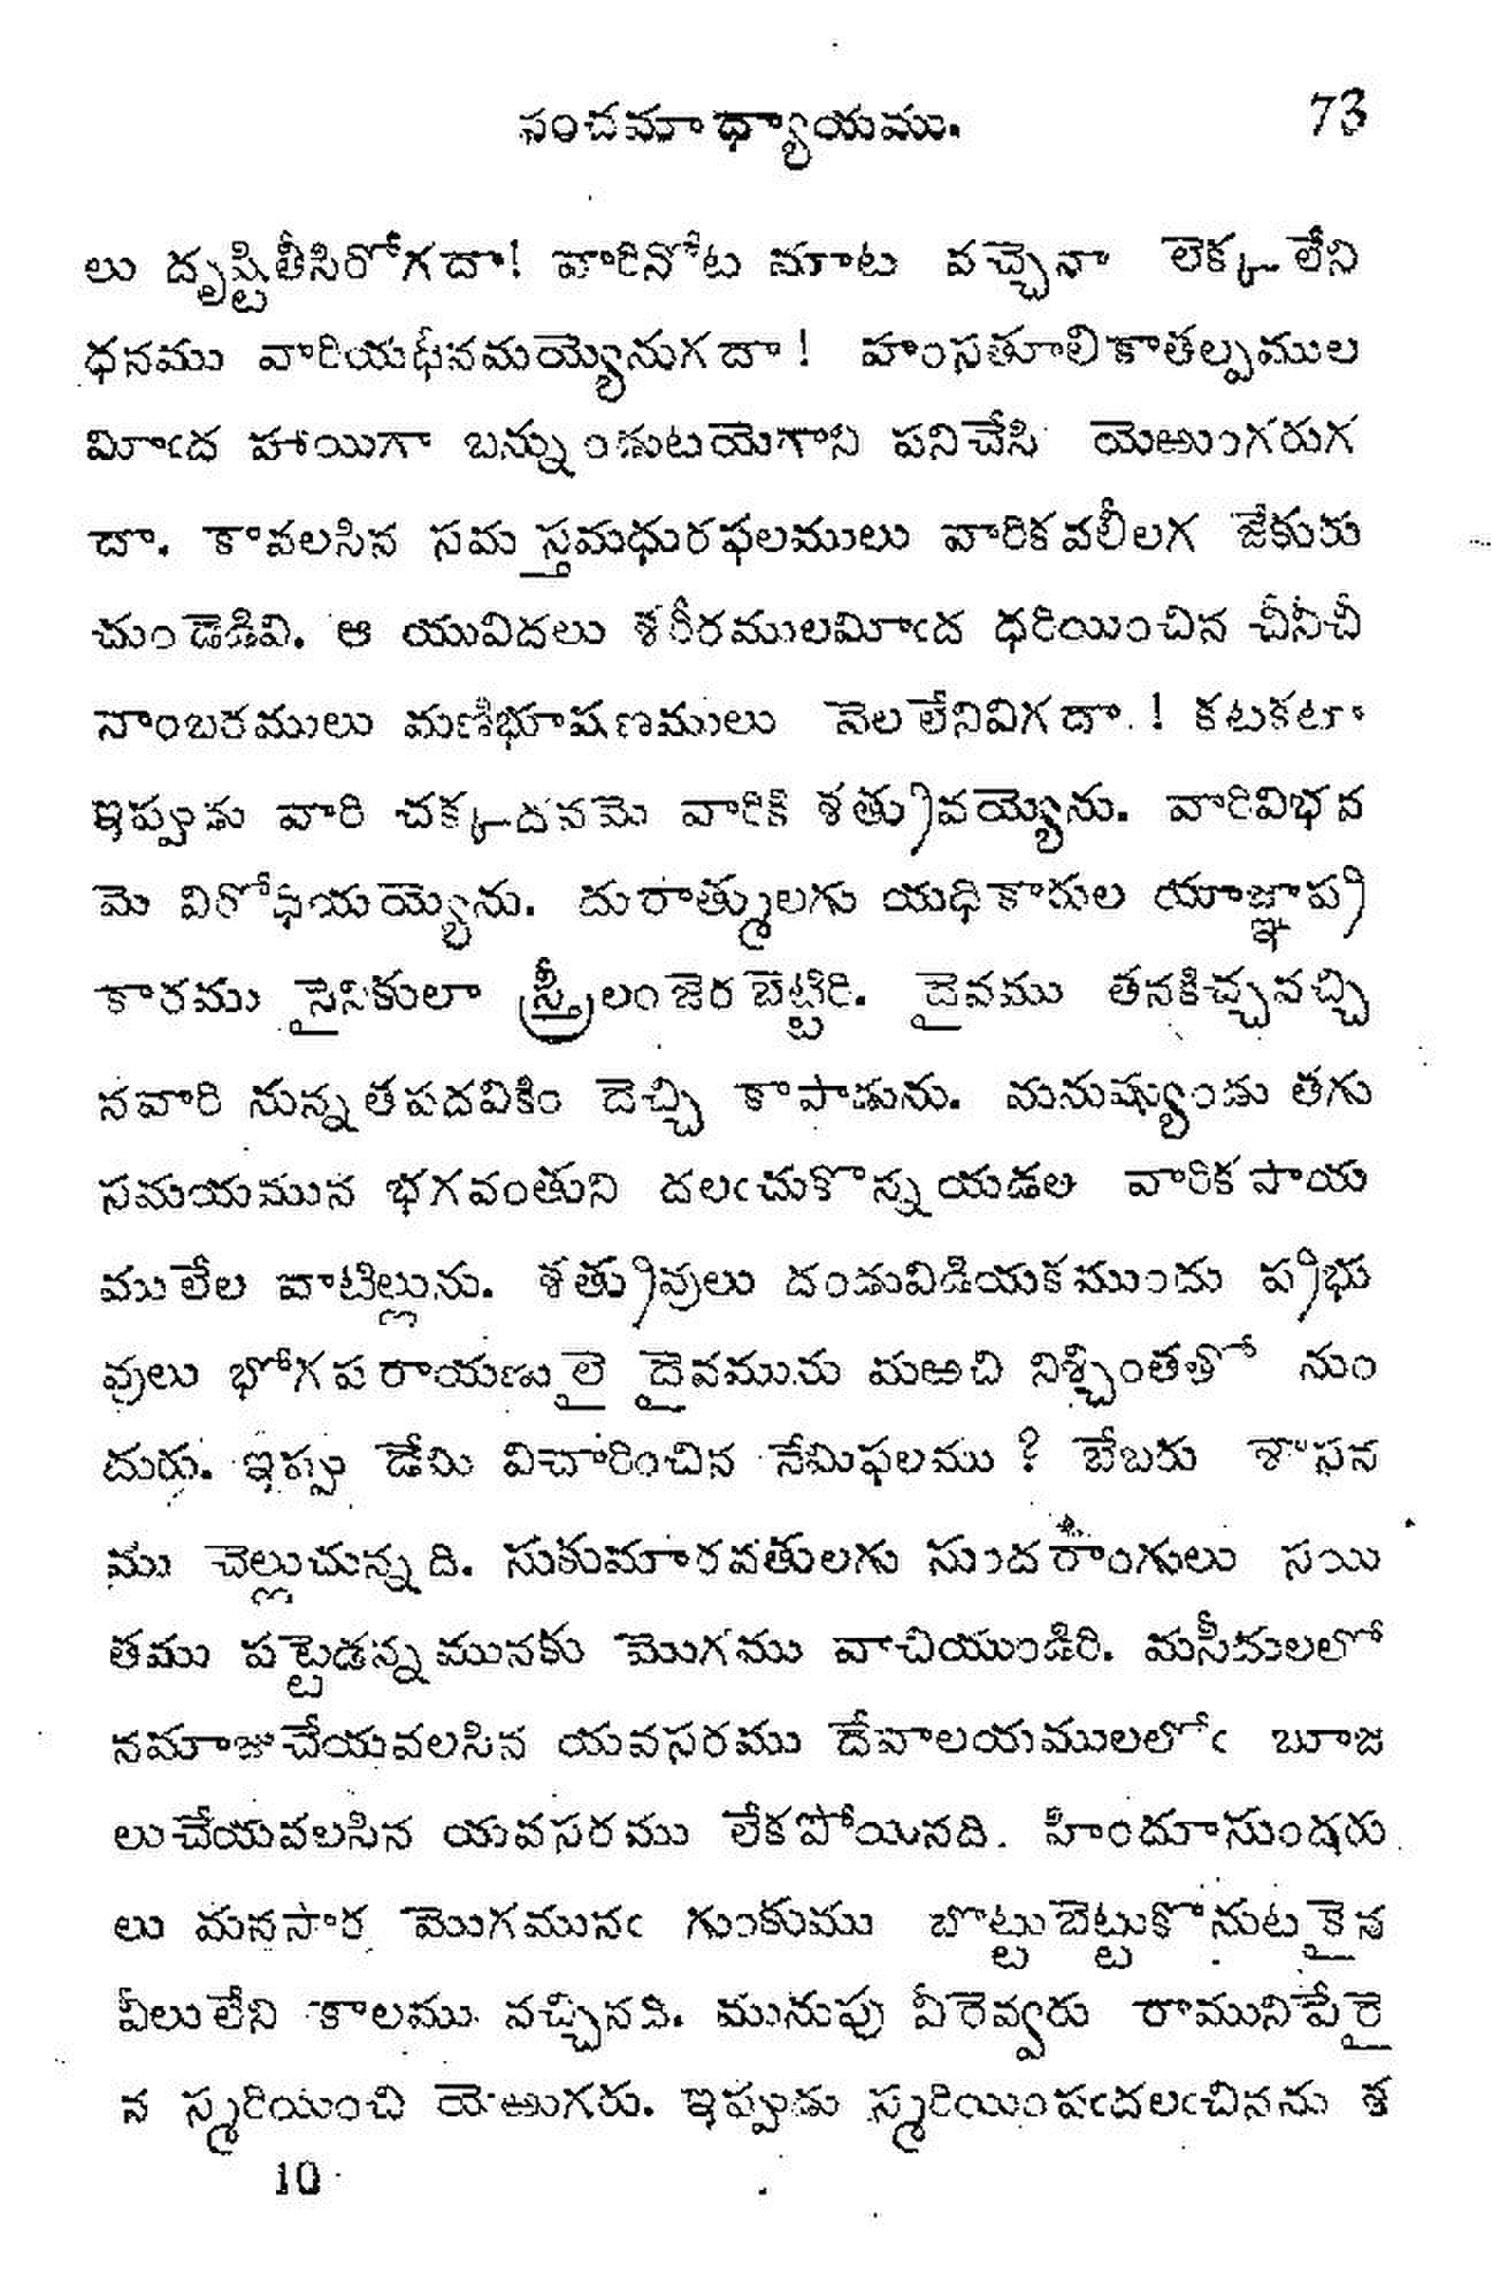లు దృష్టితీసిరోగదా! వారినోట మాట వచ్చెనా లెక్కలేని ధనము వారియధీనమయ్యెనుగదా! హంసతూలికాతల్పముల మీద హాయిగా బన్నుండుటయెగాని పనిచేసి యెఱుంగరుగదా. కావలసిన సమస్తమధురఫలములు వారికవలీలగ జేకురుచుండెడివి. ఆ యువిదలు శరీరములమీద ధరియించిన చీనీచీనాంబరములు మణిభూషణములు వెలలేనివిగదా! కటకటా ఇప్పుడు వారి చక్కదనమె వారికి శత్రువయ్యెను. వారివిభవమె విరోధియయ్యెను. దురాత్ములగు యధికారుల యాజ్ఞాప్రకారము సైనికులా స్త్రీలంజెరబెట్టిరి. దైవము తనకిచ్చవచ్చిననవారి నున్నతపదవికిం దెచ్చి కాపాడును. మనుష్యుండు తగుసమయమున భగవంతుని దలచుకొన్నయడల వారికపాయములేల వాటిల్లును. శత్రువులు దండువిడియకముందు ప్రభువులు భోగపరాయణులై దైవమును మఱచి నిశ్చింతతో నుందురు. ఇప్పు డేమి విచారించిన నేమిఫలము? బేబరు శాసనము చెల్లుచున్నది. సుకుమారవతులగు సుందరాంగులు సయితము పట్టెడన్నమునకు మొగము వాచియుండిరి. మసీదులలో నమాజుచేయవలసిన యవసరము దేవాలయములలో బూజలుచేయవలసిన యవసరము లేకపోయినది. హిందూసుందరులు మనసార మొగమున గుంకుము బొట్టుబెట్టుకొనుటకైన వీలులేని కాలము వచ్చినది. మునుపు వీరెవ్వరు రామునిపేరైన స్మరియించి యెఱుగరు. ఇప్పుడు స్మరియింపదలచినను శ